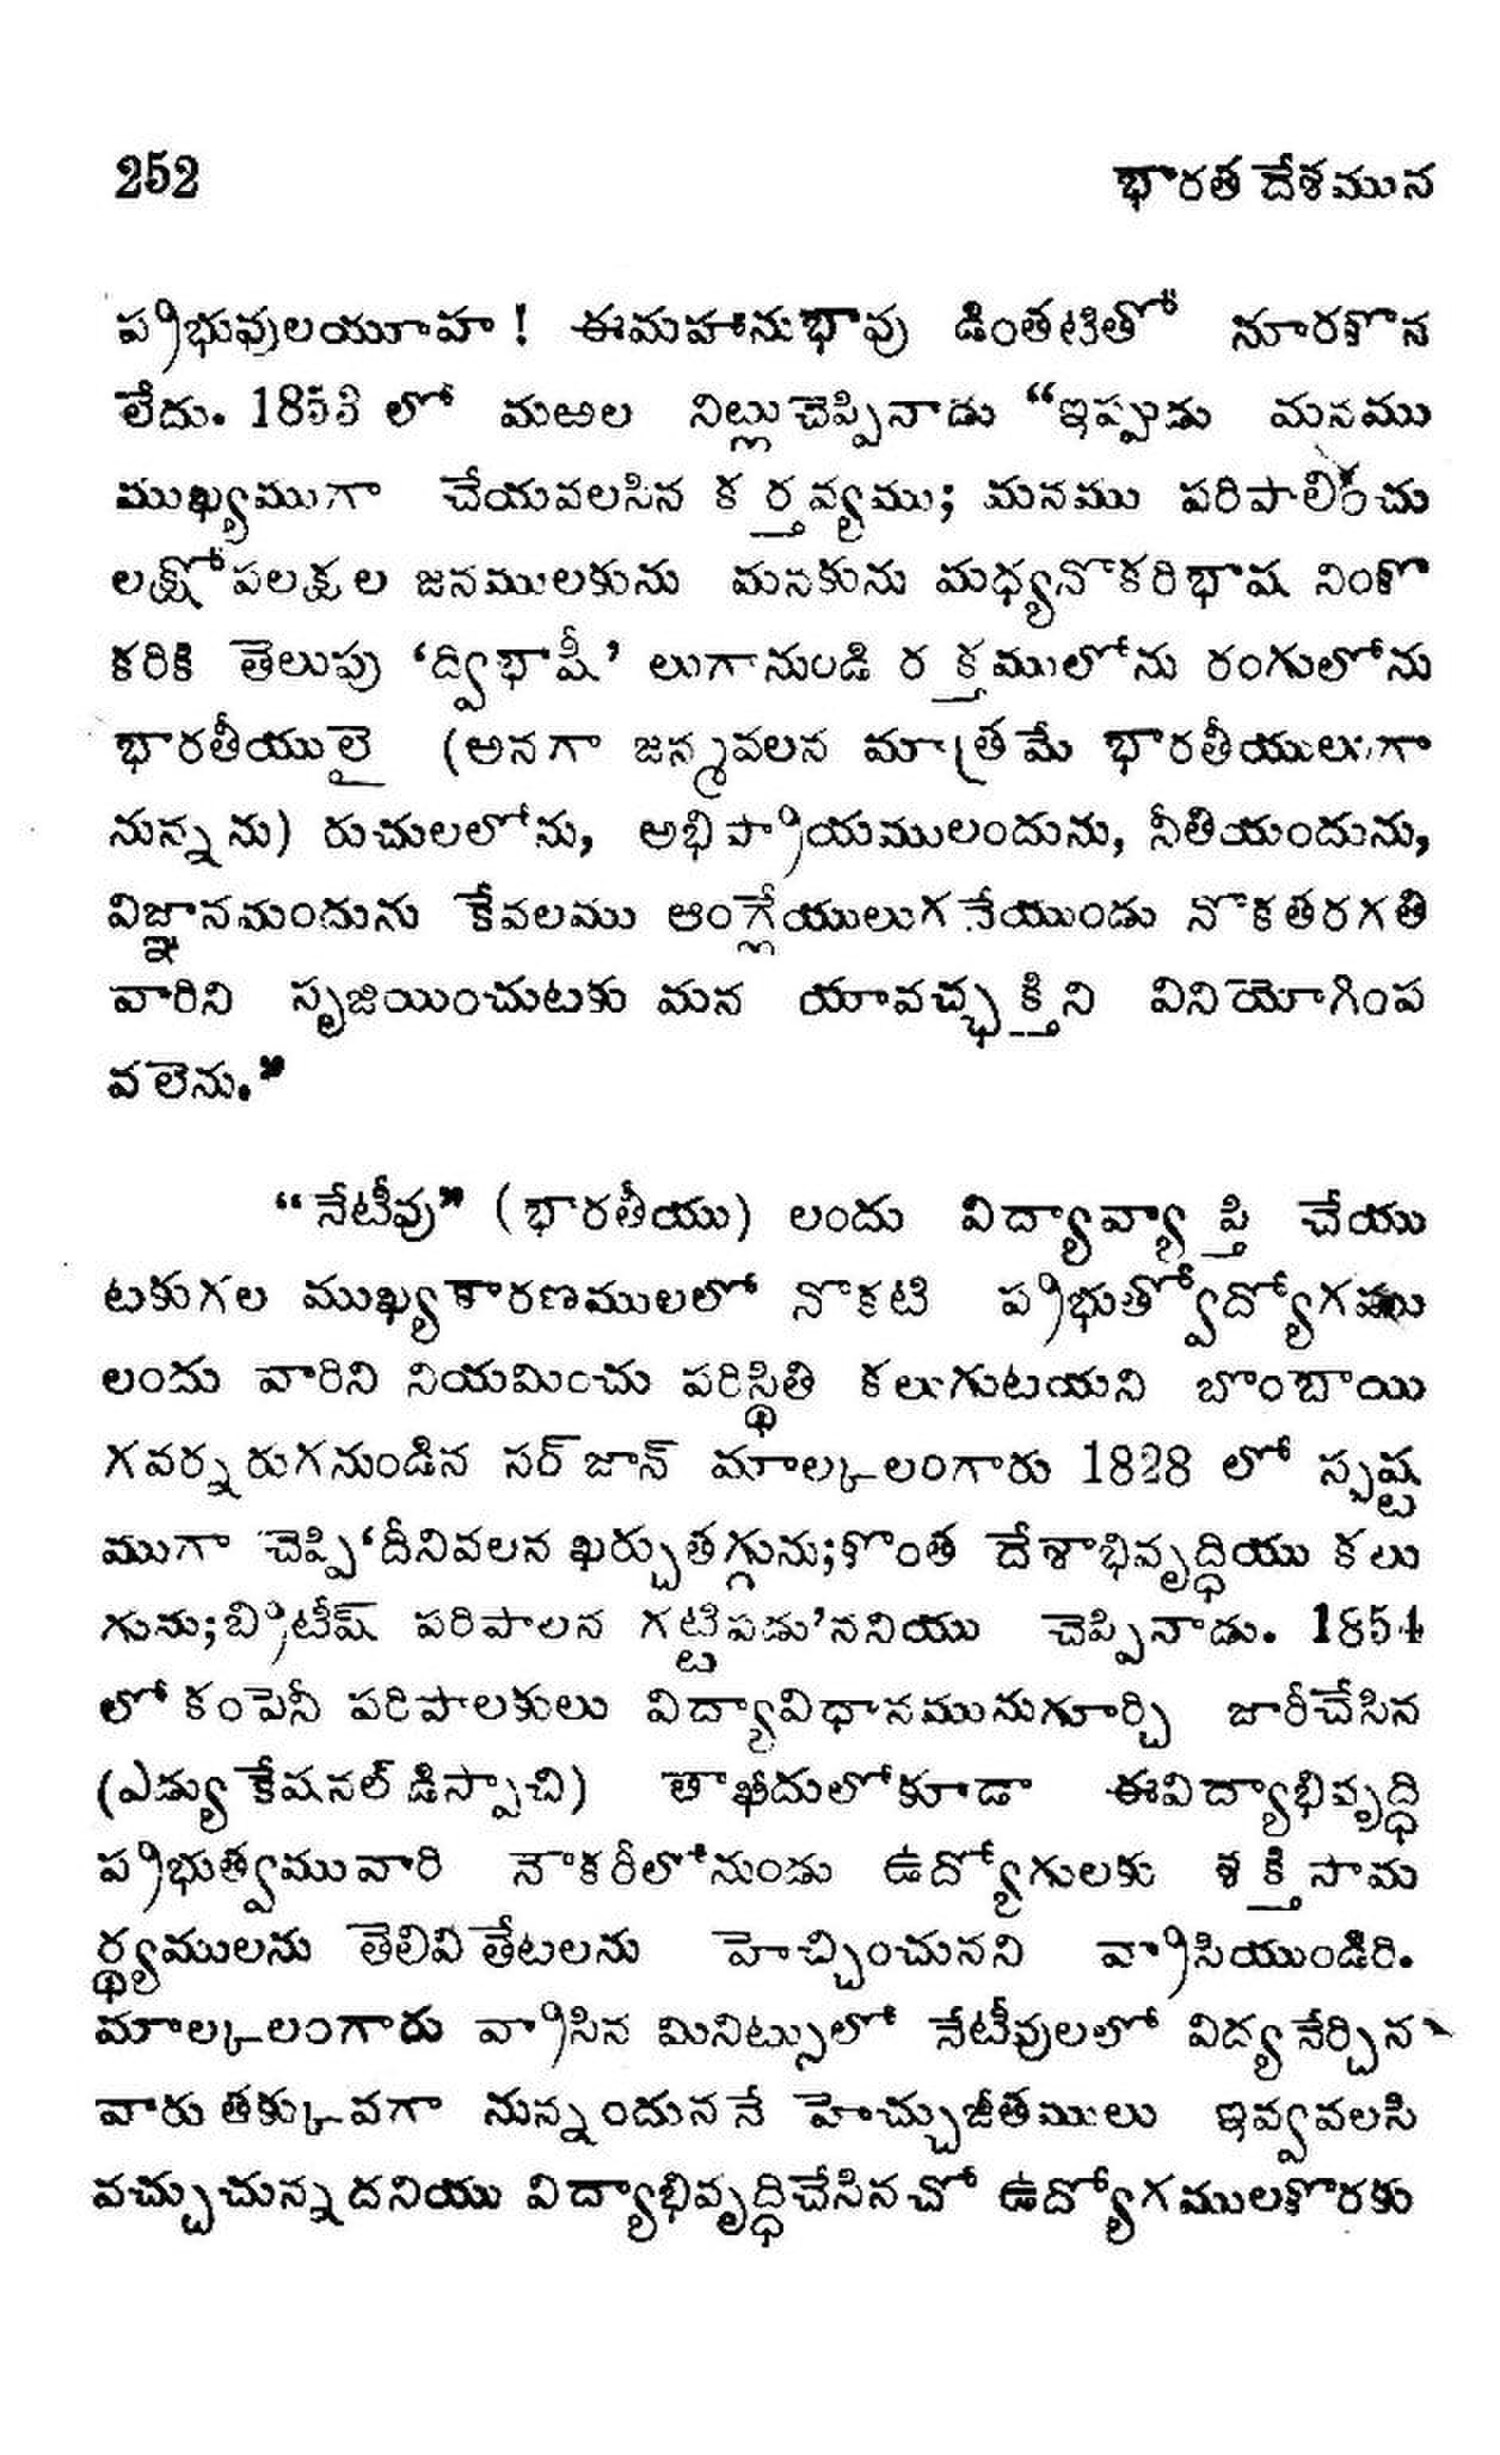ప్రభువులయూహ ! ఈమహానుభావు డింతటితో నూరకొనలేదు. 1853 లో మఱల నిట్లుచెప్పినాడు. “ఇప్పుడు మనము ముఖ్యముగా చేయవలసిన కర్తవ్యము; మనము పరిపాలించు లక్షోపలక్షల జనములకును మనకును మధ్యనొకరిభాష నింకొకరికి తెలుపు 'ద్విభాషీ ' లుగా నుండి రక్తములోను రంగులోను భారతీయులై (అనగా జన్మవలన మాత్రమే భారతీయులుగా నున్నను) రుచులలోను, అభిప్రాయములందును, నీతియందును, విజ్ఞానమందును కేవలము ఆంగ్లేయులుగనేయుండు నొకతరగతి వారిని సృజియించుటకు మన యావచ్ఛక్తిని వినియోగింపవలెను."

"నేటివు" (భారతీయు) లందు విద్యావ్యాప్తి చేయుటకుగల ముఖ్యకారణములలో నొకటి ప్రభుత్వోద్యోగములందు వారిని నియమించు పరిస్థితి కలుగుటయని బొంబాయి గవర్నరుగనుండిన సర్ జాన్ మాల్కలంగారు 1828 లో స్పష్టముగా చెప్పి ' దీనివలన ఖర్చుతగ్గును;కొంత దేశాభివృద్ధియు కలుగును;బ్రిటీష్ పరిపాలన గట్టిపడు'ననియు చెప్పినాడు. 1854 లో కంపెనీ పరిపాలకులు విద్యావిధానమునుగూర్చి జారీచేసిన (ఎడ్యుకేషనల్ డిస్పాచి) తాఖీదులోకూడా ఈవిద్యాభివృద్ధి ప్రభుత్వమువారి నౌకరీలోనుండు ఉద్యోగులకు శక్తిసామర్థ్యములను తెలివితేటలను హెచ్చించునని వ్రాసియుండిరి. మాల్కలంగారు వ్రాసిన మినిట్సులో నేటివులలో విద్యనేర్చినవారు తక్కువగా నున్నందుననే హెచ్చుజీతములు ఇవ్వవలసి వచ్చుచున్నదనియు విద్యాభివృద్ధిచేసినచో ఉద్యోగములకొరకు